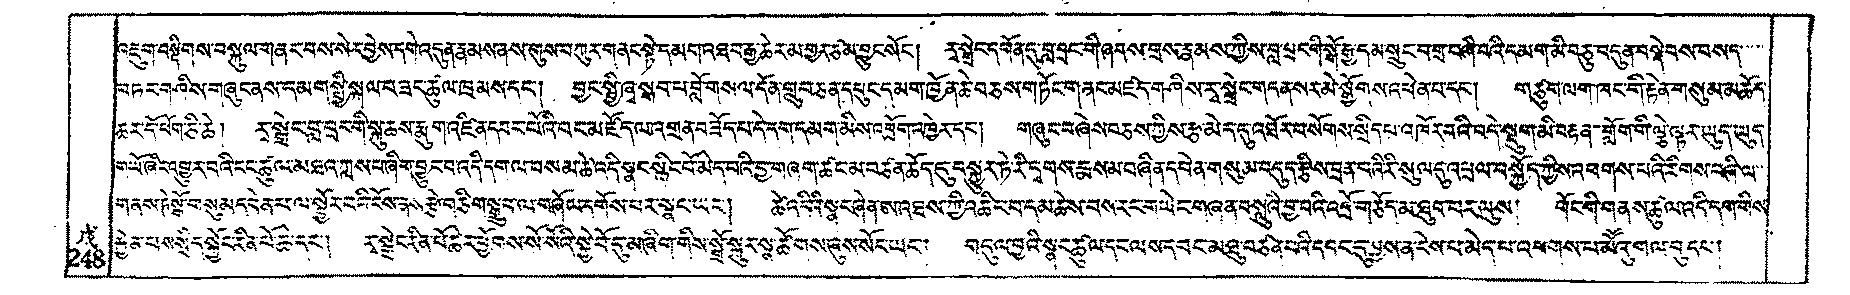འཇུག་བསྡིགས་བསྐུལ་གནང་བས་སེར་བྱེས་དགེ་འདུན་རྣམས་ནས་གུས་བཀུར་གནང་སྟེ་དམག་འཐབ་རྒྱ་ཆེར་མ་གྱར་ཙམ་བྱུང་སོང་། རྭ་སྒྲེང་དགོན་དུ་བླ་བྲང་གི་ཞབས་གྲས་རྣམས་ཀྱིས་བླ་བྲང་གི་སྒོ་རྒྱ་དམ་སྲུང་བ་གྲ་བཞི་བའི་དམག་མི་བཅུ་བདུན་བསྡེབས་བསད་
བཏང་གཤིས་གཞུང་ནས་དམག་སྤྱི་སྐལ་བཟང་ཚུལ་ཁྲིམས་དང་། བྱང་སྤྱི་ཞྭ་སྒབ་པ་བློ་གསལ་དོན་གྲུབ་ཅན་དཔུང་དམག་ཁྱོན་ཆེ་བཅས་གཏོང་གནང་མཛད་གཤིས་རྭ་སྒྲེང་གདན་སར་མེ་སྒྱོགས་འཕེན་པ་དང་། གཙུག་ལག་ཁང་གི་རྟེན་གསུམ་མཆོད་
ཆར་དོ་ཕོག་ཅི་ཆེ། རྭ་སྒྲེང་བླ་བྲང་གི་སྐུ་ཆས་རྨུག་འཛིན་དབང་པོའི་བང་མཛོད་ལ་འགྲན་བཟོད་པ་དེ་དག་དམག་མིས་འཕྲོག་འཁྱེར་དང་། གཞུང་བཞེས་བཅས་ཀྱིས་རྩ་མེད་དུ་འཐོར་བ་སོགས་སྲིད་པ་འཁོར་བའི་བདེ་སྡུག་མི་བརྟན་གློག་གི་ལྕེ་ལྟར་ཡུད་ཡུད་
གཡོ་ཞིང་འགྱུར་བའི་ངང་ཚུལ་མཐའ་ཀླས་པ་ཞིག་བྱུང་བ་འདི་དག་ལ་བསམ་ཚེ་འདི་སྣང་སྙིང་པོ་མེད་པའི་བྱ་གཞག་ཚང་མ་བཙན་ཆོད་དུ་བསྐྱུར་ཏེ་རི་དྭགས་རྨས་མ་བཞིན་དབེན་གསུམ་བདུད་རྩིས་བྲན་པའི་རི་སུལ་དུ་འཕྲལ་བསྐྱོད་ཀྱིས་འཕགས་པའི་རིགས་བཞི་ལ་
གནས་ཏེ་སྒོ་གསུམ་དབེན་པ་ལ་སྦྱོར་བའི་ངོས་ནས་རྩེ་གཅིག་སྒྲུབ་ལ་གཞོལ་དགོས་པར་སྣང་ཡང་། ཚེ་འདིའི་སྣང་ཞེན་ཨ་འཐས་ཀྱི་འཆིང་བ་དམ་ཆེས་བས་རང་གཡེང་གཞན་བསླུའི་བྱ་བའི་འཕྲོ་གཅོད་མ་ཐུབ་པར་ལུས། གོང་གི་གནས་ཚུལ་འདི་དག་གིས་
རྐྱེན་པས་སྲིད་སྐྱོང་རིན་པོ་ཆེ་དང་། རྭ་སྒྲེང་རིན་པོ་ཆེར་ཕྱོགས་སོ་སོའི་སྐྱེ་བོ་དུ་མ་ཞིག་གིས་སྒྲོ་སྐུར་སྣ་ཚོགས་ཞུས་སོང་ཡང་། གདུལ་བྱའི་སྣང་ཚུལ་དང་ལས་དབང་མཐུ་བཙན་པའི་དབང་དུ་བྱས་ན་ངེས་པ་མེད་པ་འཕགས་པ་མཽའུ་གལ་བུ་དང་།